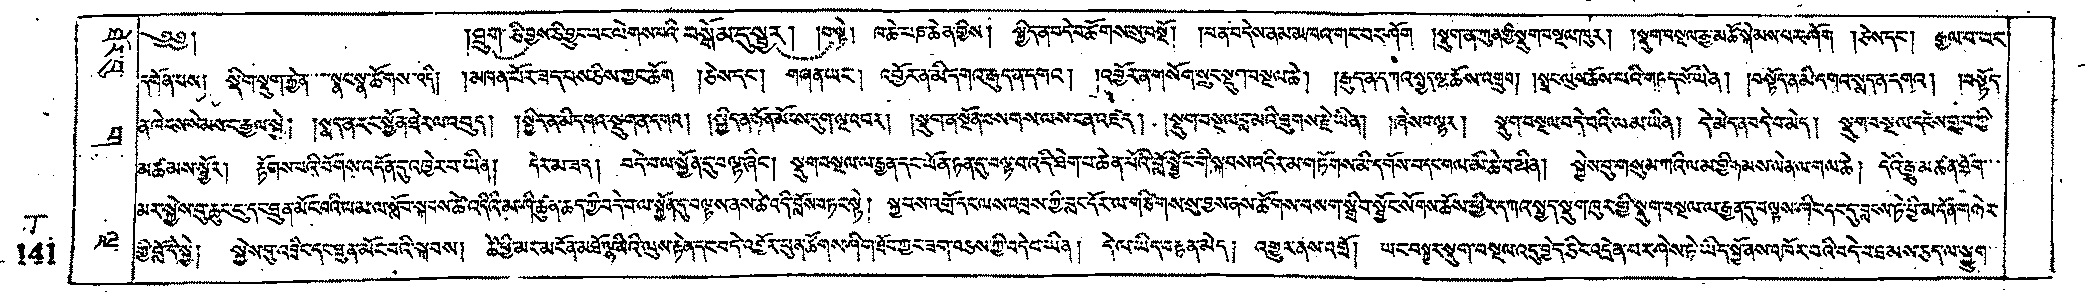༄༅། །ཐུག་ཅི་བྱས་ཅི་བྱུང་ཡང་ལེགས་པའི་བསྒོམ་དུ་སྦྱར་བ་སྟེ། ཁ་ཆེ་པཎ་ཆེན་གྱིས། སྐྱིད་ན་བདེ་བ་ཚོགས་སུ་བསྔོ། །ཕན་བདེས་ནམ་མཁའ་གང་བར་ཤོག །སྡུག་ན་ཀུན་གྱི་སྡུག་བསྔལ་ཁུར། །སྡུག་བསྔལ་རྒྱ་མཚོ་སྐེམས་པར་ཤོག །ཅེས་དང་། རྒྱལ་བ་ཡང་
དགོན་པས། སྡིག་སྡུག་རྐྱེན་་་སྣང་སྣ་ཚོགས་འདི། །མཁན་པོར་ཟད་པས་ཅིས་ཀྱང་ཆོག །ཅེས་དང་། གཞན་ཡང་། འབྱོར་ན་མི་དགའ་རྒུད་ན་དགའ། །འབྱོར་ན་གསོག་སྲུང་སྡུག་བསྔལ་ཆེ། །རྒུད་ན་དཀའ་སྤྱད་ལྷ་ཆོས་འགྲུབ། །སྤྲང་ལུས་ཆོས་པའི་གཏད་སོ་ཡིན། །བསྟོད་ན་མི་དགའ་སྨད་ན་དགའ། །བསྟོད་
ན་ཁེངས་སེམས་ང་རྒྱལ་སྐྱེ། །སྨད་ན་རང་སྐྱོན་ཐེར་ལ་འབུད། །སྐྱིད་ན་མི་དགའ་སྡུག་ན་དགའ། །སྐྱིད་ན་ཉོན་མོངས་དུག་ལྔ་འབར། །སྡུག་ན་སྔོན་བསགས་ལས་ངན་འཛད། །སྡུག་བསྔལ་བླ་མའི་ཐུགས་རྗེ་ཡིན། །ཞེས་པ་ལྟར། སྡུག་བསྔལ་བདེ་བའི་ལམ་ཡིན། དེ་མེད་ན་བདེ་བ་མེད། སྡུག་བསྔལ་དངོས་གྲུབ་ཀྱི་
མཚམས་སྦྱོར། རྟོགས་པའི་བོགས་འདོན་དུ་འཁྱེར་བ་ཡིན། དེར་མ་ཟད། བདེ་བ་ལ་སྐྱོན་དུ་བལྟ་ཞིང་། སྡུག་བསྔལ་ལ་རྒྱན་དང་ཡོན་ཏན་དུ་བལྟ་བ་འདི་ཐེག་པ་ཆེན་པོའི་བློ་སྦྱོང་གི་སྐབས་འདིར་མ་གཏོགས་མི་དགོས་པ་དང་གལ་མི་ཆེ་བ་མིན། སྐྱེས་བུ་གསུམ་ཀའི་ལམ་གྱི་ཉམས་ལེན་ལ་གལ་ཆེ། དེའི་རྒྱུ་མཚན་ཐོག་་་
མར་སྐྱེས་བུ་ཆུང་ངུ་དང་ཐུན་མོང་བའི་ལམ་ལ་སློབ་སྐབས་ཚེ་འདིའི་མ་ཤི་ཚུན་ཆད་ཀྱི་བདེ་བ་ལ་སྐྱོན་དུ་བལྟས་ནས་ཚེ་འདི་བློས་བཏང་སྟེ། སྐྱབས་འགྲོ་དང་ལས་འབྲས་ཀྱི་བླང་དོར་ལ་གཙིགས་སུ་བྱས་ནས་ཚོགས་བསག་སྒྲིབ་སྦྱོང་སོགས་ཆོས་ཕྱིར་དཀའ་སྤྱད་སྡུག་ཁུར་གྱི་སྡུག་བསྔལ་ལ་རྒྱན་དུ་བལྟས་ཤིང་དང་དུ་བླངས་ཏེ་ཕྱི་མ་དོན་གཉེར་
གྱི་བློ་དེ་སྐྱེ། སྐྱེས་བུ་འབྲིང་དང་ཐུན་མོང་བའི་སྐབས། ཚེ་ཕྱི་མར་མངོན་མཐོ་ལྷ་མིའི་ལུས་རྟེན་དང་བདེ་འབྱོར་ཕུན་ཚོགས་ཤིག་ཐོབ་ཀྱང་ཟག་བཅས་ཀྱི་བདེ་བ་ཡིན། དེ་ལ་ཡིད་བརྟན་མེད། འགྱུར་ནས་འགྲོ། ཡང་བསྐྱར་སྡུག་བསྔལ་འདུ་བྱེད་ཅིང་འདྲེན་པར་ཤེས་ཏེ་ཡིད་སྐྱོ་ནས་འཁོར་བའི་བདེ་བ་ཐམས་ཅད་ལ་སྐྱུག